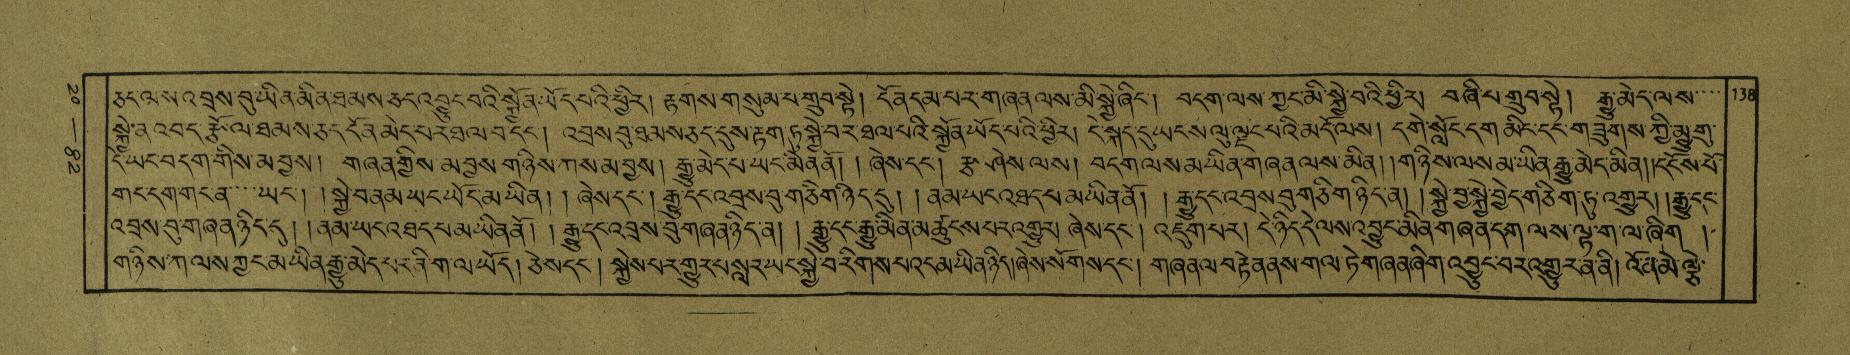ཅད་ལས་འབྲས་བུ་ཡིན་མིན་ཐམས་ཅད་འབྱུང་བའི་སྐྱོན་ཡོད་པའི་ཕྱིར། རྟགས་གསུམ་པ་གྲུབ་སྟེ། དོན་དམ་པར་གཞན་ལས་མི་སྐྱེ་ཞིང་། བདག་ལས་ཀྱང་མི་སྐྱེ་བའི་ཕྱིར། བཞི་པ་གྲུབ་སྟེ། རྒྱུ་མེད་ལས་
སྐྱེ་ན་འབད་རྩོ་ལ་ཐམས་ཅད་དོན་མེད་པར་ཐལ་བ་དང་། འབྲས་བུ་ཐམས་ཅད་དུས་རྟག་ཏུ་སྐྱེ་བར་ཐལ་པའི་སྐྱོན་ཡོད་པའི་ཕྱིར། དེ་སྐད་དུ་ཡངས་ལུ་ལྗང་པའི་མདོ་ལས། དགེ་སློང་དག་མིང་དང་གཟུགས་ཀྱི་མྱུ་གུ་
དེ་ཡང་བདག་གིས་མ་བྱས། གཞན་གྱིས་མ་བྱས་གཉིས་ཀས་མ་བྱས། རྒྱུ་མེད་པ་ཡང་མིན་ནོ། །ཞེས་དང་། རྩ་ཤེས་ལས། བདག་ལས་མ་ཡིན་གཞན་ལས་མིན། །གཉིས་ལས་མ་ཡིན་རྒྱུ་མེད་མིན། །དངོས་པོ་
གང་དག་གང་ན་ཡང་། །སྐྱེ་བ་ནམ་ཡང་ཡོད་མ་ཡིན། །ཞེས་དང་། རྒྱུ་དང་འབྲས་བུ་གཅིག་ཉིད་དུ། །ནམ་ཡང་འཐད་པ་མ་ཡིན་ནོ། །རྒྱུ་དང་འབྲས་བུ་གཅིག་ཉིད་ན། །སྐྱེ་བྱ་སྐྱེ་བྱེད་གཅིག་ཏུ་འགྱུར། །རྒྱུ་དང་
འབྲས་བུ་གཞན་ཉིད་དུ། །ནམ་ཡང་འཐད་པ་མ་ཡིན་ནོ། །རྒྱུ་དང་འབྲས་བུ་གཞན་ཉིད་ན། །རྒྱུ་དང་རྒྱུ་མིན་མཚུངས་པར་འགྱུར། །ཞེས་དང་། འཇུག་པར། དེ་ཉིད་དེ་ལས་འབྱུང་མིན་གཞན་དག་ལས་ལྟ་ག་ལ་ཞིག །
གཉིས་ཀ་ལས་ཀྱང་མ་ཡིན་རྒྱུ་མེད་པར་ནི་ག་ལ་ཡོད། ཅེས་དང་། སྐྱེས་པར་གྱུར་པ་སླར་ཡང་སྐྱེ་བ་རིགས་པའང་མ་ཡིན་ཉིད། ཞེས་སོགས་དང་། གཞན་ལ་བརྟེན་ནས་གལ་ཏེ་གཞན་ཞིག་འབྱུང་བར་འགྱུར་ན་ནི། འོ་ན་མེ་ལྕེ་